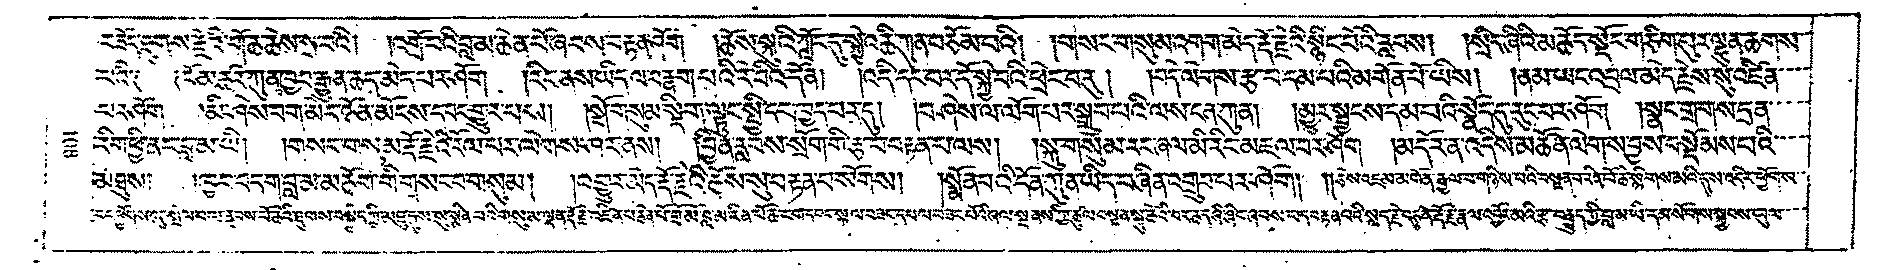བཟོད་ཐུགས་རྗེའི་གོ་ཆ་ཆེས་སྲ་བའི། །འགྲོ་བའི་བླ་མ་ཆེན་པོ་ཞབས་བརྟན་ཤོག །ཆོས་སྐུའི་ཀློང་དུ་སྐྱེ་འཆི་ཀུན་བཅོམ་པའི། །གསང་གསུམ་འགག་མེད་རྡོ་རྗེའི་སྙིང་པོའི་རླབས། །སྲིད་ཞིའི་མཆོད་སྡོང་གཅིག་པུར་ལྷུན་ཆགས་
པའི༑ ༑ངོ་མཚར་ཀུན་ཁྱབ་རྒྱུན་ཆད་མེད་པར་ཤོག །རིང་ནས་ཡིད་ལ་བརྣག་པའི་རེ་བའི་དོན། །འདི་དང་བར་དོ་སྐྱེ་བའི་ཕྲེང་བ་རུ། །བདེ་ལེགས་རྩ་བ་དམ་པའི་མགོན་པོ་ཡིས། །ནམ་ཡང་འབྲལ་མེད་རྗེས་སུ་འཛིན་
པར་ཤོག །མི་ཤེས་བག་མེད་ཉོན་མོངས་དབང་གྱུར་པས། །སྒོ་གསུམ་སྡིག་ལྟུང་སྤྱི་དང་ཁྱད་པར་དུ། །བཤེས་ལ་ལོག་པར་སྒྲུབ་པའི་ལས་ངན་ཀུན། །མྱུར་སྦྱངས་དམ་པའི་སྣོད་དུ་རུང་བར་ཤོག །སྣང་གྲགས་དྲན་
རིག་ཕྱི་ནང་བླ་མ་ཡི། །གསང་གསུམ་རྡོ་རྗེའི་རོལ་པར་ལེགས་ཤར་ནས། །བྱིན་རླབས་སྲོག་གི་རྩ་བ་བརྟན་པ་ལས། །སྐུ་གསུམ་རང་ཞལ་མི་རིང་མཇལ་བར་ཤོག །མདོར་ན་འདིས་མཚོན་ལེགས་བྱས་བསྡོམས་པའི་
མཐུས། །ཁྱབ་བདག་བླ་མ་མཆོག་གི་གསང་བ་གསུམ། །འགྱུར་མེད་རྡོ་རྗེའི་ཆོས་སུ་བརྟན་པ་སོགས། །སྨོན་པའི་དོན་ཀུན་ཡིད་བཞིན་འགྲུབ་པར་ཤོག ། །།ཅེས་འཇམ་མགོན་རྒྱལ་བ་གཉིས་པའི་བསྟན་པ་རིན་པོ་ཆེ་སྙིགས་མའི་དུས་འདིར་ཕྱོགས་
དང་ཕྱོགས་སུ་སྤེལ་བ་ལ་རླབས་པོ་ཆེའི་ཐུགས་བསྐྱེད་ཀྱི་མཐུ་དུས་སུ་སྨིན་པའི་གསུམ་ལྡན་རྡོ་རྗེ་འཛིན་པ་ཆེན་པོ་གྲོ་མོ་བླ་མ་རིན་པོ་ཆེ་ངག་དབང་སྐལ་བཟང་དཔལ་བཟང་པོའི་ཞལ་སྔ་ནས་ཀྱི་ཚུལ་བསྟན་སྐུ་ཚེའི་བར་ཆད་ཞི་ཞིང་ཞབས་པད་བརྟན་པའི་སླད་རྗེ་བཙུན་རྡོ་རྗེ་རྣལ་འབྱོར་མའི་རྩ་བརྒྱུད་ཀྱི་བླ་མ་ཡི་དམ་སོགས་སྐྱབས་ཡུལ་